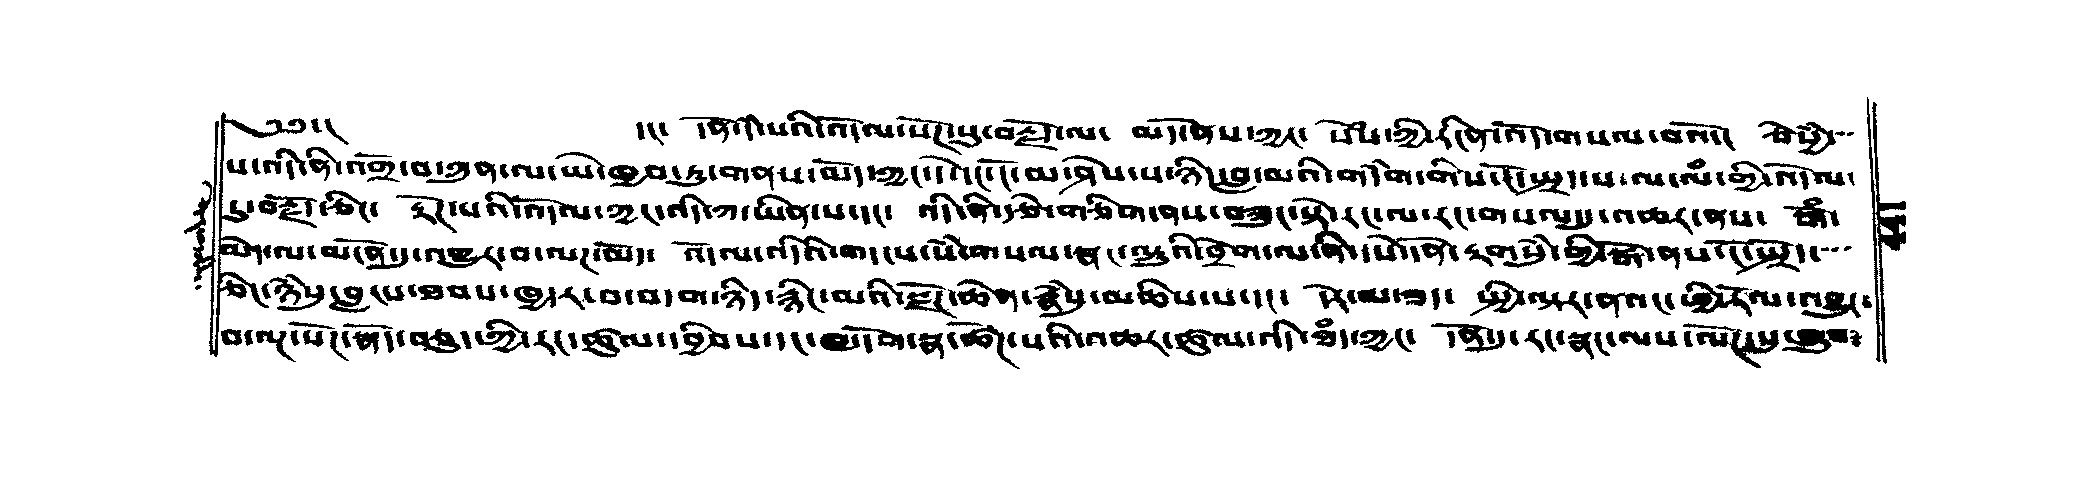དང་། དོན་དམ་པའི་འོད་གསལ་སོགས་སུ་བརྗོད་ལ། མདོ་ནས་ཀྱང་། སེམས་ཀྱི་རང་བཞིན་འོད་གསལ་བའོ། །ཅེས་གསུངས་
པ་འདི་ནི་འགྲོ་བ་ཀུན་ལ་ཡེ་ཁྱབ་ཏུ་གནས་མེད་ཀྱང་དེ་དང་དེ་མ་ཤེས་པའི་བླ་མའི་གདམས་ངག་གིས་ངོ་སྤྲད་པ་ལ་ལམ་གྱི་འོད་གསལ་
དུ་བརྗོད་ཅིང་། རྟོགས་པའི་འོད་གསལ་ཀྱང་འདི་ཀ་ཡིན་པ་དང་། འདི་ནི་རྩེ་གཅིག་ནས་བཟུང་སྟེ་རང་ལ་རང་གསལ་དུ་འཆར་ནས། བསྒོམ་
མེད་ལ་མངོན་དུ་འགྱུར་བ་ལགས་མོད། འོད་གསལ་འདིའི་གདངས་སམ་གསལ་སྣང་ལྟ་བུའི་བྱེ་བྲག་ལ་ནི་དཔེ་དོན་རྟགས་གསུམ་གྱིས་སྒོ་ནས་ངོ་སྤྲོད་
ཅིང་ཉམས་སུ་བླངས་ཐབས་ཁྱད་པར་བ་བདག་ཉིད་རྙིང་མའི་རྫོགས་ཆེན་རྣམས་སུ་མཆིས་པ་དང་། དེར་མ་ཟད་སྤྱི་ལྟར་ནའང་ཕྱི་རོལ་འབྱུང་
བ་ལྔ་སོགས་སྣོད་བཅུད་ཀྱི་རང་ཚུལ་དབྱིབས་དང་ཁ་དོག་སྣ་ཚོགས་པའི་འཆར་ཚུལ་འདི་ཐམས་ཅད་ཀྱང་། དོན་དུ་རང་སྣང་ལོགས་སུ་གྲུབ་